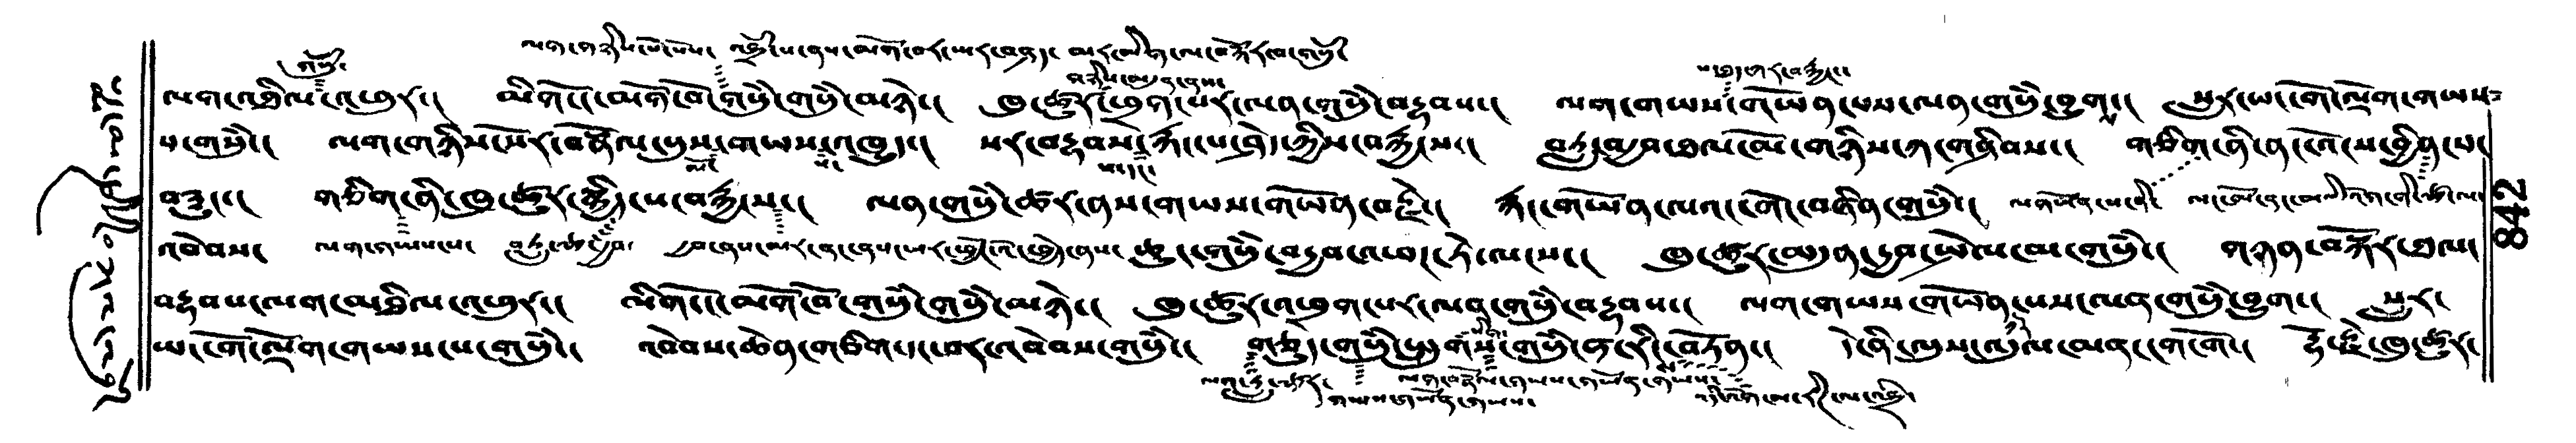ལག་འཐིལ་འཕུར། །མིག་ངོ་མགོ་བོ་གསུམ་གསུམ་མཉེ། ཁུ་ཚུར་ཕྲག་པར་ལན་གསུམ་བརྡབ། །ལག་གཡས་གཡོན་པས་ལན་གསུམ་བྱུགས། །སླར་ཡང་གོ་ལྡོག་གཡས་
པ་གསུམ། །ལག་གཉིས་སོར་བསྣོལ་པུས་གཡས་འཁྱུད། །སར་བརྡབ་རྐང་པ་ཤེད་ཀྱིས་བརྐྱངས། །བརླ་བརྒྱབ་ཐལ་མོ་གཉིས་ཀ་གཤིབས། །གཅིག་ནི་ནང་འོངས་བྱིན་པ་
བཟུང་། །གཅིག་ནི་ཁུ་ཚུར་སྒྱིད་པ་བརྐྱངས། །ལན་གསུམ་ཚར་ནས་གཡས་གཡོན་བརྗེ། །རྐང་གཡོན་ལའང་གོང་བཞིན་གསུམ། །
འབེབས་ ཆུད་གསུམ་བརྒྱབ་འཕགས་ཏེ་ལངས་ ཁུ་ཚུར་མདུན་རྒྱབ་སྤོས་མག་གསུམ གཉན་བསྐོར་ཐལ་
བརྡབ་ལག་མཐིལ་འཕུར། །མིག་ངོ་མགོ་བོ་གསུམ་གསུམ་མཉེ། ཁུ་ཚུར་འཕྲག་པར་ལན་གསུམ་བརྡབས། །ལག་གཡས་གཡོན་པས་ལན་གསུམ་བྱུག །སླར་
ཡང་གོ་ལྡོག་གཡས་པ་གསུམ། །འབེབས་ཆེན་གཅིག་དང་བར་འབེབས་གསུམ། །གཅུས་གསུམ་སྤྲུགས་གསུམ་ཧ་རིང་བཏོན། །དེ་ནི་ལུས་འདུལ་མན་ངག་གོ །རྡོ་རྗེ་ཁུ་ཚུར་